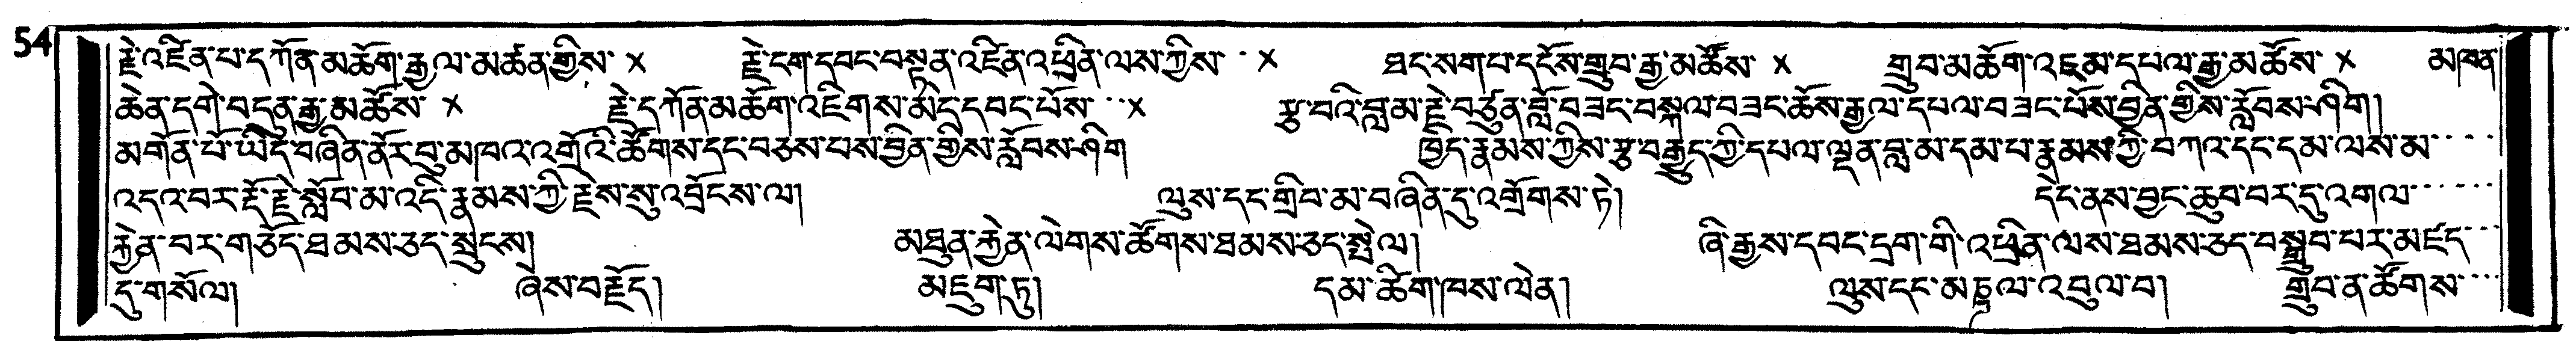རྗེ་འཛིན་པ་དཀོན་མཆོག་རྒྱལ་མཚན་གྱིས་+་རྗེ་ངག་དབང་བསྟན་འཛིན་འཕྲིན་ལས་ཀྱིས་+་ཐང་སག་པ་དངོས་གྲུབ་རྒྱ་མཚོས་+་གྲུབ་མཆོག་འཇམ་དཔལ་རྒྱ་མཚོས་+་མཁན་
ཆེན་དགེ་བདུན་རྒྱ་མཚོས་+་རྗེ་དཀོན་མཆོག་འཇིགས་མེད་དབང་པོས་+་རྩ་བའི་བླ་མ་རྗེ་བཙུན་བློ་བཟང་བསྐལ་བཟང་ཆོས་རྒྱལ་དཔལ་བཟང་པོས་བྱིན་གྱིས་རློབས་ཤིག །
མགོན་པོ་ཡིད་བཞིན་ནོར་བུ་མཁའ་འགྲོའི་ཚོགས་དང་བཅས་པས་བྱིན་གྱིས་རློབས་ཤིག་ཁྱེད་རྣམས་ཀྱིས་རྩ་བརྒྱུད་ཀྱི་དཔལ་ལྡན་བླ་མ་དམ་པ་རྣམས་ཀྱི་བཀའ་དང་དམ་ལས་མ་
འདའ་བར་རྡོ་རྗེ་སློབ་མ་འདི་རྣམས་ཀྱི་རྗེས་སུ་འབྲོངས་ལ། ལུས་དང་གྲིབ་མ་བཞིན་དུ་འགྲོགས་ཏེ། དེང་ནས་བྱང་ཆུབ་བར་དུ་འགལ་
རྐྱེན་བར་གཅོད་ཐམས་ཅད་སྲུངས། མཐུན་རྐྱེན་ལེགས་ཚོགས་ཐམས་ཅད་སྤེལ། ཞི་རྒྱས་དབང་དྲག་གི་འཕྲིན་ལས་ཐམས་ཅད་བསྒྲུབ་པར་མཛད་
དུ་གསོལ། ཞེས་བརྗོད། མཇུག་ཏུ། དམ་ཚིག་ཁས་ལེན། ལུས་དང་མཎྜལ་འབུལ་བ། གྲུབ་ན་ཚོགས་